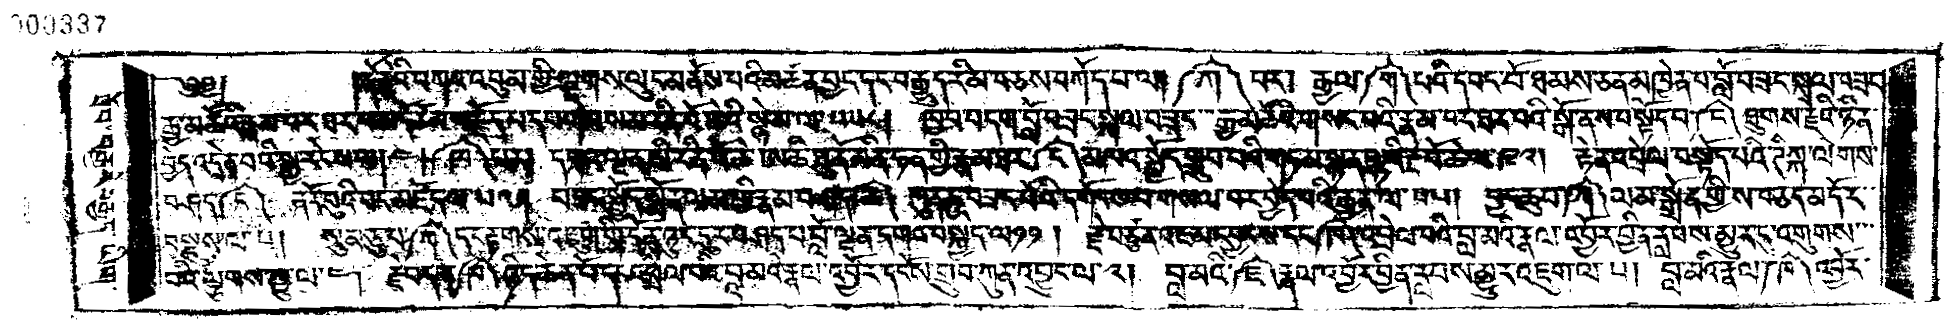༄༅། །རྡོ་རྗེའི་བཀའ་འབུམ་གྱི་ལྗགས་ལུང་མ་ནོས་པའི་མཚན་བྱང་དང་བརྒྱུད་རིམ་བཅས་བཀོད་པ་ལ། ༼ཀ༽ པར། རྒྱལ ༼ག༽ པའི་དབང་པོ་ཐམས་ཅན་མཁྱེན་པ་བློ་བཟང་སྐལ་བཟང་
རྒྱ་མཚོའི་རྣམ་པར་ཐར་བ་མདོ་ཙམ་བརྗོད་པ་དཔག་བསམ་རིན་པོ་ཆེའི་སྙེ་མ་ལ ༥༥༨། ཁྱབ་བདག་བློ་བཟང་སྐལ་བཟང་རྒྱ་མཚོའི་གསང་བའི་རྣམ་པར་ཐར་བའི་སྒོ་ནས་བསྟོད་པ ༼ང༽ ཐུགས་རྗེའི་ཉིན་
བྱེད་འདྲེན་པའི་སྐྱ་རེངས་ལ། ༤། ༼ཁ༽ པར། དགའ་ལྡན་ཁྲི་རིན་པོ་ཆེ་ཨ་ཆི་ཐུ་ནོ་མིན་ཧན་གྱི་རྣམ་ཐར ༼ང༽ མཁའ་སྤྱོད་གྲུབ་པའི་གཏམ་སྙན་ལྷའི་རྔ་བོ་ཚེ་ལ ༩༢། རྟེན་འབྲེལ་བསྟོད་པའི་ཌིཀྐ་ལེགས་
བཤད ༼ང༽ ནོར་བུའི་བང་མཛོད་ལ ༥༧། བཟང་སྤྱོད་སྨོན་ལམ་གྱི་རྣམ་བཤད ༼ཆ༽ ཀུན་ཏུ་བཟང་པོའི་དགོངས་པ་གསལ་བར་བྱེད་པའི་རྒྱན་ལ ༥༥། བྱང་ཆུབ ༼ཀ༽ ལམ་སྒྲོན་གྱི་ས་བཅད་མདོར་
བསྡུས་ལ ༥། སུམ་ཅུ་པ ༼ཀ༽ དང་རྟགས་འཇུག་གི་དོན་ཉུང་དུར་བཤད་པ་བློ་ལྡན་དགའ་བསྐྱེད་ལ ༡༡། རྗེ་བཙུན་འཇམ་དབྱངས་དང ༼ཁ༽ འབྲེལ་བའི་བླ་མའི་རྣལ་འབྱོར་བྱིན་རླབས་མྱུར་དུ་འགུགས་
པའི་ལྕགས་ཀྱུ་ལ ༤། རྗེ་བདག ༼ཁ༽ ཉིད་ཆེན་པོ་དང་འབྲེལ་བའི་བཱ་མའི་རྣལ་འབྱོར་དངོས་གྲུབ་ཀུན་འབྱུང་ལ ༢། བླ་མའི ༼ཇ༽ རྣལ་འབྱོར་བྱིན་རླབས་མྱུར་འཇུག་ལ ༥། བླ་མའི་རྣལ ༼ཁ༽ འབྱོར་